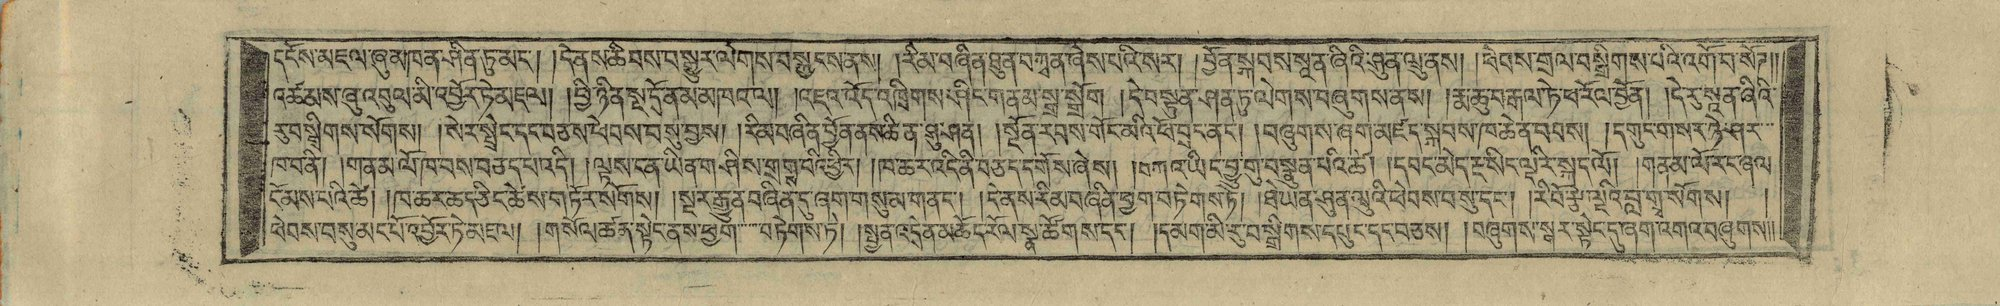དངོས་མཇལ་ཞུ་མཁན་ཤིན་ཏུ་མང་། །དེ་ནས་ཆིབས་བསྒྱུར་ལེགས་བསྐྱངས་ནས། །རིམ་བཞིན་ཐུན་བཀྭན་ཞེས་པའི་སར། །བྱོན་སྐབས་སཱན་ཞིའི་ཤུན་ཝུ་ནས། །ཕེབས་གྲལ་བསྒྲིགས་པའི་འགོ་བ་སོགས། །
འཚམས་ཞུ་འབུལ་མི་འབྱོར་ཏེ་མཇལ། །ཕྱི་ཉིན་སྔ་དྲོ་ནམ་མཁའ་ལ། །འཇའ་འོད་འཁྲིགས་ཤིང་གནམ་སྒྲ་སྒྲོག །དེ་བསྟུན་ཤན་ཏུ་ལེགས་བཞུགས་ནས། །རྨ་ཆུ་བརྒལ་ཏེ་ཕ་རོལ་བྱོན། །དེ་རུ་སཱན་ཞིའི་
རུ་བསྒྲིགས་སོགས། །སེར་སྦྲེང་དང་བཅས་ཕེབས་བསུ་བྱས། །རིམ་བཞིན་བྱོན་ནས་ཆིན་ཤུ་ཤན། །སྔོན་རབས་གོང་མའི་ཕོ་བྲང་ནང་། །བཞུགས་ཞག་མཛད་སྐབས་ཁ་ཆེན་བབས། །དགུང་གསར་ཉེ་ཤར་
ཁ་བ་ནི། །གནམ་ལོ་ཁ་བས་བཅད་པ་འདི། །ལྟས་ངན་ཡིན་གཤིས་གྲགས་པའི་ཕྱིར། །ཁ་ཆར་འདི་ནི་བཅད་དགོས་ཞེས། །བཀའ་ཡིད་བྱུ་གུ་བསྣུན་པའི་ཚེ། །དབང་མེད་རྔ་སིང་ལྔ་རི་སྐད་ལོ། །གནམ་ལོ་རང་ཞལ་
ངོམས་པའི་ཚེ། །ཁ་ཆར་ཆད་ཅིང་ཚེས་གཏོར་སོགས། །སྔར་རྒྱུན་བཞིན་དུ་ཞག་གསུམ་གནང་། །དེ་ནས་རིམ་བཞིན་ཕྱག་བཏེགས་ཏེ། །ཐེ་ཡན་ཤུན་ཝུའི་ཕེབས་བསུ་དང་། །རི་བོ་རྩེ་ལྔའི་བླ་གྲྭ་སོགས།།
ཕེབས་བསུ་མང་པོ་འབྱོར་ཏེ་མཇལ། །གསོལ་ཚན་སྟེང་ནས་ཕྱག་བཏེགས་ཏེ། །སྤྱན་འདྲེན་མཆོད་རོལ་སྣ་ཚོགས་དང་། །དམག་མི་རུ་བསྒྲིགས་དཔུང་དང་བཅས། །བཞུགས་སྒར་སྟེང་དུ་ཞག་འགའ་བཞུགས།།